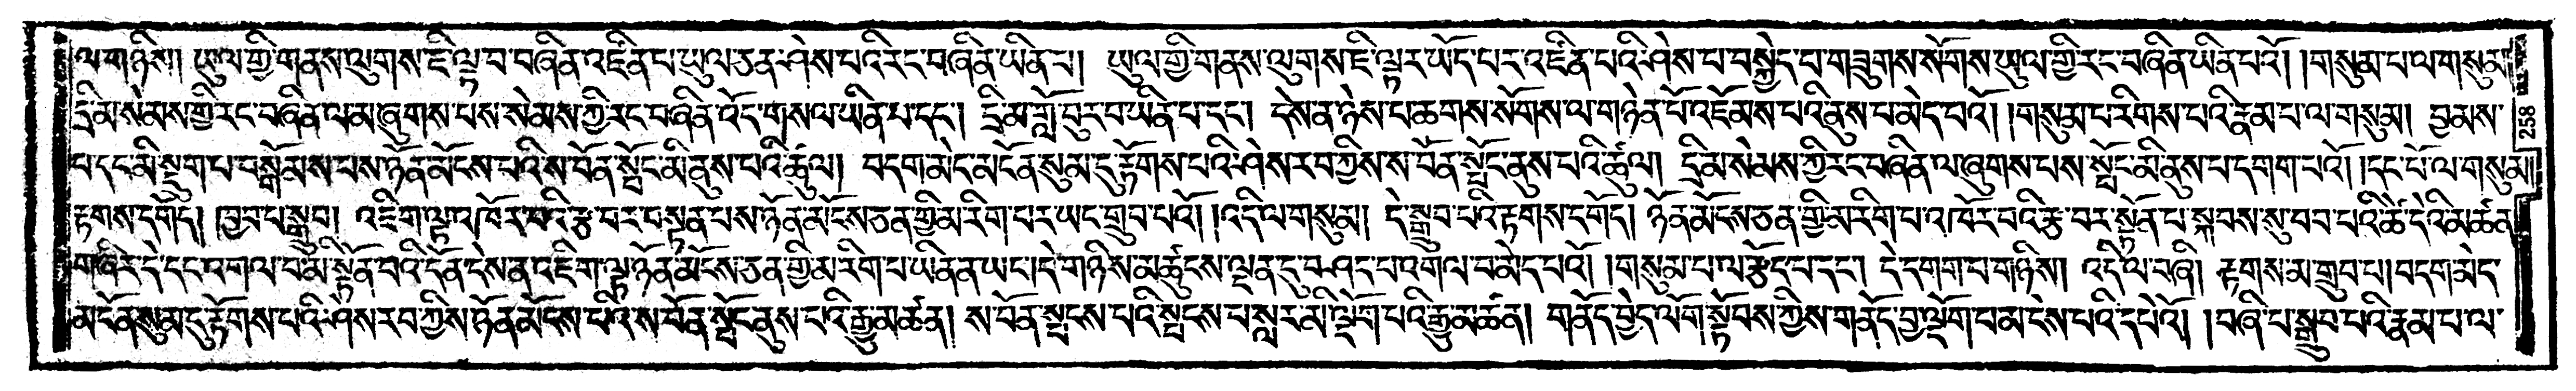ལ་གཉིས། ཡུལ་གྱི་གནས་ལུགས་ཇི་ལྟ་བ་བཞིན་འཛིན་པ་ཡུལ་ཅན་ཤེས་པའི་རང་བཞིན་ཡིན་པ། ཡུལ་གྱི་གནས་ལུགས་ཇི་ལྟར་ཡོད་པར་འཛིན་པའི་ཤེས་པ་བསྐྱེད་པ་གཟུགས་སོགས་ཡུལ་གྱི་རང་བཞིན་ཡིན་པའོ། །གསུམ་པ་ལ་གསུམ་
དྲི་མ་སེམས་གྱི་རང་བཞིན་ལ་མ་ཞུགས་པས་སེམས་ཀྱི་རང་བཞིན་འོད་གསལ་ཡིན་པ་དང་། དྲི་མ་གློ་བུར་པ་ཡིན་པ་དང་། དེས་ན་ཉེས་པ་ཆགས་སོགས་ལ་གཉེན་པོ་འཇོམས་པའི་ནུས་པ་མེད་པའོ། །གསུམ་པ་རིགས་པའི་རྣམ་པ་ལ་གསུམ། བྱམས་
པ་དང་མི་སྡུག་པ་བསྒོམས་པས་ཉོན་མོངས་པའི་ས་བོན་སྤོང་མི་ནུས་པའི་ཚུལ། བདག་མེད་མངོན་སུམ་དུ་རྟོགས་པའི་ཤེས་རབ་ཀྱིས་ས་བོན་སྤོང་ནུས་པའི་ཚུལ། དྲི་མ་སེམས་ཀྱི་རང་བཞིན་ལ་ཞུགས་པས་སྤོང་མི་ནུས་པ་དགག་པའོ། །དང་པོ་ལ་གསུམ།
རྟགས་དགོད། ཁྱབ་པ་སྒྲུབ། འཇིག་ལྟ་འཁོར་བའི་རྩ་བར་བསྟན་པས་ཉོན་མོངས་ཅན་གྱི་མ་རིག་པར་ཡང་གྲུབ་པའོ། །འདི་ལ་གསུམ། དེ་སྒྲུབ་པའི་རྟགས་དགོད། ཉོན་མོངས་ཅན་གྱི་མ་རིག་པ་འཁོར་བའི་རྩ་བར་སྟོན་པ་སྐབས་སུ་བབ་པའི་ཚེ་དེའི་མཚན་
གཞིར་དེ་དང་འགལ་བ་མི་སྟོན་པའི་དོན་དེས་ན་འཇིག་ལྟ་ཉོན་མོངས་ཅན་གྱི་མ་རིག་པ་ཡིན་ན་ཡང་། དེ་གཉིས་མཚུངས་ལྡན་དུ་བཤད་པ་འགལ་བ་མེད་པའོ། །གསུམ་པ་ལ་རྩོད་པ་དང་། དེ་དགག་པ་གཉིས། འདི་ལ་བཞི། རྟགས་མ་གྲུབ་པ། བདག་མེད་
མངོན་སུམ་དུ་རྟོགས་པའི་ཤེས་རབ་ཀྱིས་ཉོན་མོངས་པའི་ས་བོན་སྤོང་ནུས་པའི་རྒྱུ་མཚན། ས་བོན་སྤངས་པའི་སྤངས་པ་སླར་མི་ལྡོག་པའི་རྒྱུ་མཚན། གནོད་བྱེད་ལོག་སྟོབས་ཀྱིས་གནོད་བྱ་ལྡོག་པ་མ་ངེས་པའི་དཔེའོ། །བཞི་པ་སྒྲུབ་པའི་རྣམ་པ་ལ་